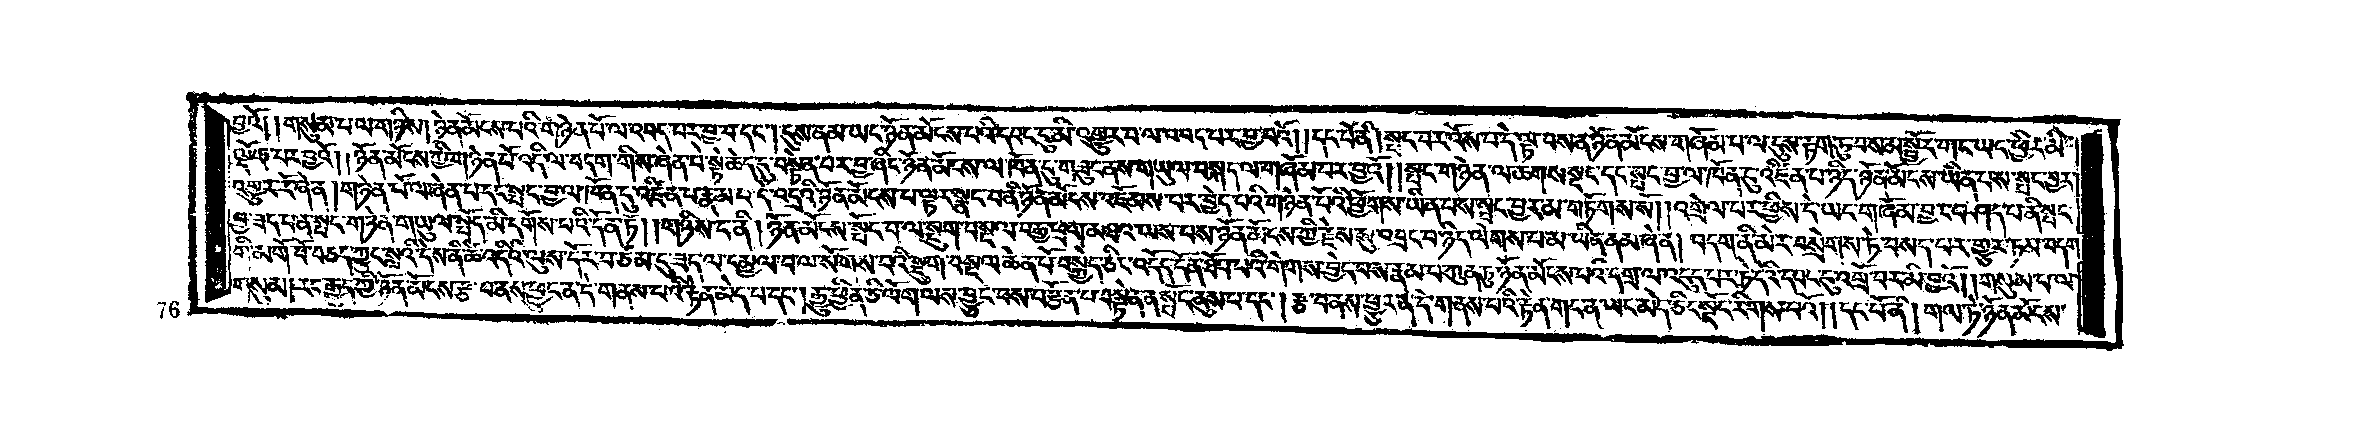བྱའོ༑ ༑གསུམ་པ་ལ་གཉིས། ཉོན་མོངས་པའི་གཉེན་པོ་ལ་འབད་པར་བྱ་བ་དང་། དུས་ནམ་ཡང་ཉོན་མོངས་པའི་དབང་དུ་མི་འགྱུར་བ་ལ་བད་པར་བྱའོ། ། དང་པོ་ནི། སྤང་བར་འོས་པ་དེ་ལྟ་བས་ན་ཉོན་མོངས་གཞོམ་པ་ལ་དུས་རྟག་ཏུ་བསམ་སྦྱོར་གང་ཡང་ཕྱིར་མི་
ལྡོག་པར་བྱའོ། །ཉོན་མོངས་ཀྱི་གཉེན་པོ་འདི་ལ་བདག་གིས་ཞེན་པ་སྟེ་ཆེད་དུ་བསྟེན་པར་བྱ་ཞིང་ཉོན་མོངས་ལ་ཁོ་ན་དུ་གཟུང་ནས་གཡུལ་བསྐད་ལ་གཞོམ་པར་བྱའོ། །སྤང་གཉེན་ལ་ཆགས་སྡང་དང་སྤང་བྱ་ལ་ཁོ་ན་དུ་འཛིན་པ་ཉིད་ཉོན་མོངས་ཡིན་པས་སྤང་བྱར་
འགྱུར་རོ་ཞེ་ན། གཉེན་པོ་ལ་ཞེན་པ་དང་སྤང་བྱ་ལ་ཁོ་ན་དུ་འཛིན་པ་རྣམ་པ་དེ་འདྲའི་ཉོན་མོངས་པ་ལྟར་སྣང་བ་ནི་ཉོན་མོངས་འཇོམས་པར་བྱེད་པའི་གཉེན་པོའི་ཕྱོགས་ཡིན་པས་སྤང་བྱར་མ་གཏོགས་སོ། །འགྲེལ་པར་ཕྱིས་དེ་ཡང་གཞོམ་བྱར་བཤད་པ་ནི་སྤང་
བྱ་ཟད་པ་ན་སྤང་གཉེན་གཡུལ་སྤྲོད་མི་དགོས་པའི་དོན་ཏོ། །གཉིས་པ་ནི། ཉོན་མོངས་སྤོང་བ་ལ་སྡུག་བསྔལ་བརྒྱ་ཕྲག་མཐའ་ཡས་པས་ཉོན་མོངས་ཀྱི་རྗེས་སུ་འབྲང་བ་ཉིད་ལེགས་པ་མ་ཡིན་ནམ་ཞེ་ན། བདག་ནི་མེར་བསྲེགས་ཏེ་བསད་པར་གྱུར་ཏམ་བདག་
གི་མགོ་བོ་བཅད་ཀྱང་སླའི་དེས་ནི་ཚེ་འདིའི་ལུས་དོར་བ་ཙམ་དུ་ཟད་ལ་དམྱལ་བ་ལ་སོགས་པའི་སྡུག་བསྔལ་ཆེན་པོ་བསྐྱེད་ཅིང་འདོད་དོན་ཐོབ་པའི་གེགས་བྱེད་པས་རྣམ་པ་ཀུན་ཏུ་ཉོན་མོངས་པའི་དགྲ་ལ་འདུད་པར་ཏེ་དེའི་དབང་དུ་འགྲོ་བར་མི་བྱའོ། །གསུམ་པ་ལ་
གསུམ། རང་རྒྱུད་ཀྱི་ཉོན་མོངས་རྩ་བ་ནས་ཕྱུང་ན་དེ་གནས་པའི་རྟེན་མེད་པ་དང་། རྒྱུ་ཕྱིན་ཅི་ལོག་ལས་བྱུང་བས་བརྩོན་པ་བསྟེན་ན་སྤོང་ནུས་པ་དང་། རྩ་བ་ནས་ཕུང་ན་དེ་གནས་པའི་རྟེན་གང་ན་ཡང་མེད་ཅིང་སྡོང་རིགས་པའོ། །དང་པོ་ནི། གལ་ཏེ་ཉོན་མོངས་